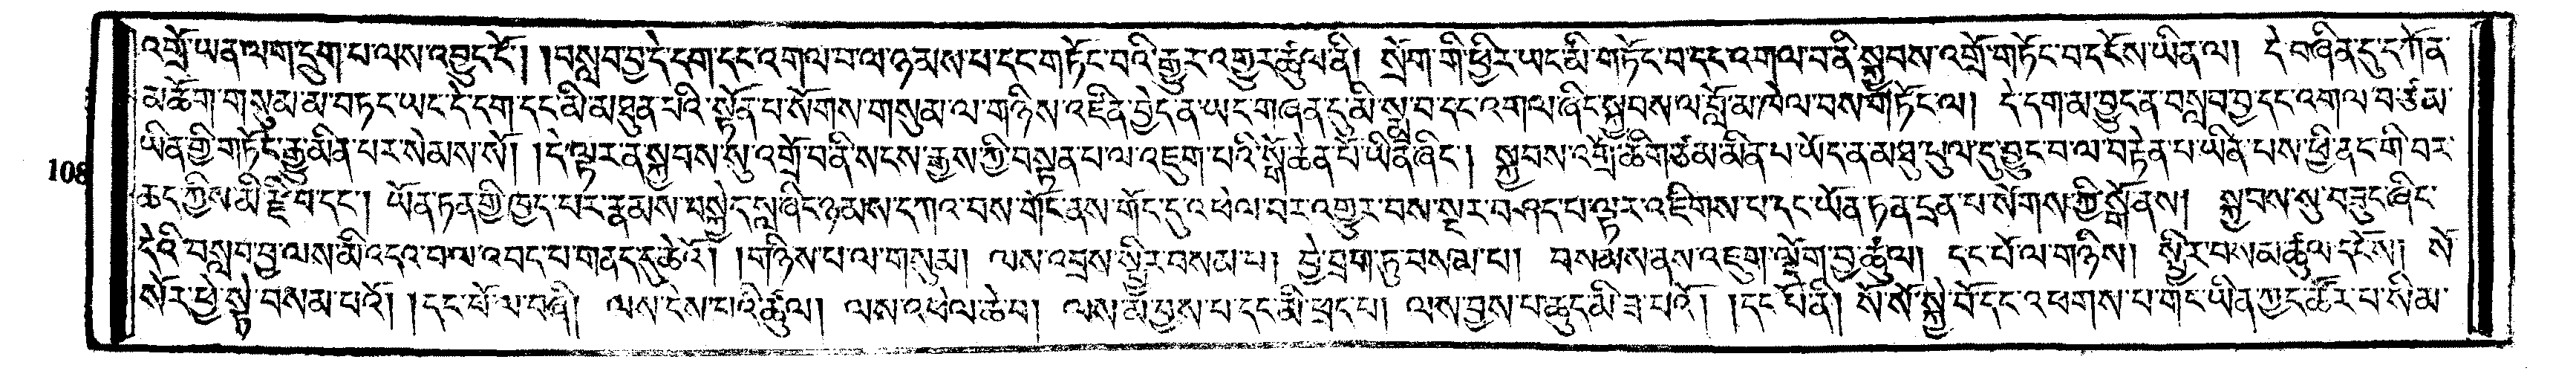འགྲོ་ཡན་ལག་དྲུག་པ་ལས་འབྱུང་ངོ། །བསླབ་བྱ་དེ་དག་དང་འགལ་པ་ལ་ཉམས་པ་དང་གཏོང་བའི་རྒྱུར་འགྱུར་ཚུལ་ནི། སྲོག་གི་ཕྱིར་ཡང་མི་གཏོང་བ་དང་འགལ་བ་ནི་སྐྱབས་འགྲོ་གཏོང་བ་དངོས་ཡིན་ལ། དེ་བཞིན་དུ་དཀོན་
མཆོག་གསུམ་མ་བཏང་ཡང་དེ་དག་དང་མི་མཐུན་པའི་སྟོན་པ་སོགས་གསུམ་ལ་གཉིས་འཛིན་བྱེད་ན་ཡང་གཞན་དུ་མི་སྨྲ་བ་དང་འགལ་ཞིང་སྐྱབས་ལ་བློ་མ་ཁེལ་བས་གཏོང་ལ། དེ་དག་མ་བྱུང་ན་བསླབ་བྱ་དང་འགལ་བ་ཙམ་
ཡིན་གྱི་གཏོང་ངོ་རྒྱུ་མིན་པར་སེམས་སོ། །དེ་ལྟར་ན་སྐྱབས་སུ་འགྲོ་བ་ནི་སངས་རྒྱས་ཀྱི་བསྟན་པ་ལ་འཇུག་པའི་སྒོ་ཆེན་པོ་ཡིན་ཞིང་། སྐྱབས་འགྲོ་ཆིག་ཙམ་མིན་པ་ཡོད་ན་མཐུ་ཕུལ་དུ་བྱུང་བ་ལ་བརྟེན་པ་ཡིན་པས་ཕྱི་ནང་གི་བར་
ཆད་ཀྱི་མི་རྗེ་བ་དང་། ཡོན་ཏན་གྱི་ཁྱད་པར་རྣམས་བསྐྱེད་སླ་ཞིང་ཉམས་དཀའ་བས་གོང་ནས་གོང་དུ་འཕེལ་བར་འགྱུར་བས་སྔར་བཤད་པ་ལྟར་འཇིགས་པ་དང་ཡོན་ཏན་དྲན་པ་སོགས་ཀྱི་སྒོ་ནས། སྐྱབས་སུ་བཟུང་ཞིང་
དེའི་བསླབ་བྱ་ལས་མི་འདའ་བལ་འབད་པ་གནད་དུ་ཆེའོ། །གཉིས་པ་ལ་གསུམ། ལས་འབྲས་སྤྱིར་བསམ་པ། བྱེ་བྲག་ཏུ་བསམ་པ། བསམ་ནས་འཇུག་ལྡོག་བྱ་ཚུལ། དང་པོ་ལ་གཉིས། སྤྱིར་བསམ་ཚུལ་དངོས། སོ་
སོར་ཕྱེ་སྟེ་བསམ་པའོ། །དང་པོ་ལ་བཞི། ལས་ངེས་པའི་ཚུལ། ལས་འཕེལ་ཆེ་བ། ལས་མ་བྱས་པ་དང་མི་ཕྲད་པ། ལས་བྱས་པ་ཆུད་མི་ཟ་པའོ། །དང་པོ་ནི། སོ་སོ་སྐྱེ་བོ་དང་འཕགས་པ་གང་ཡིན་ཀྱང་ཚོར་པ་སིམ་